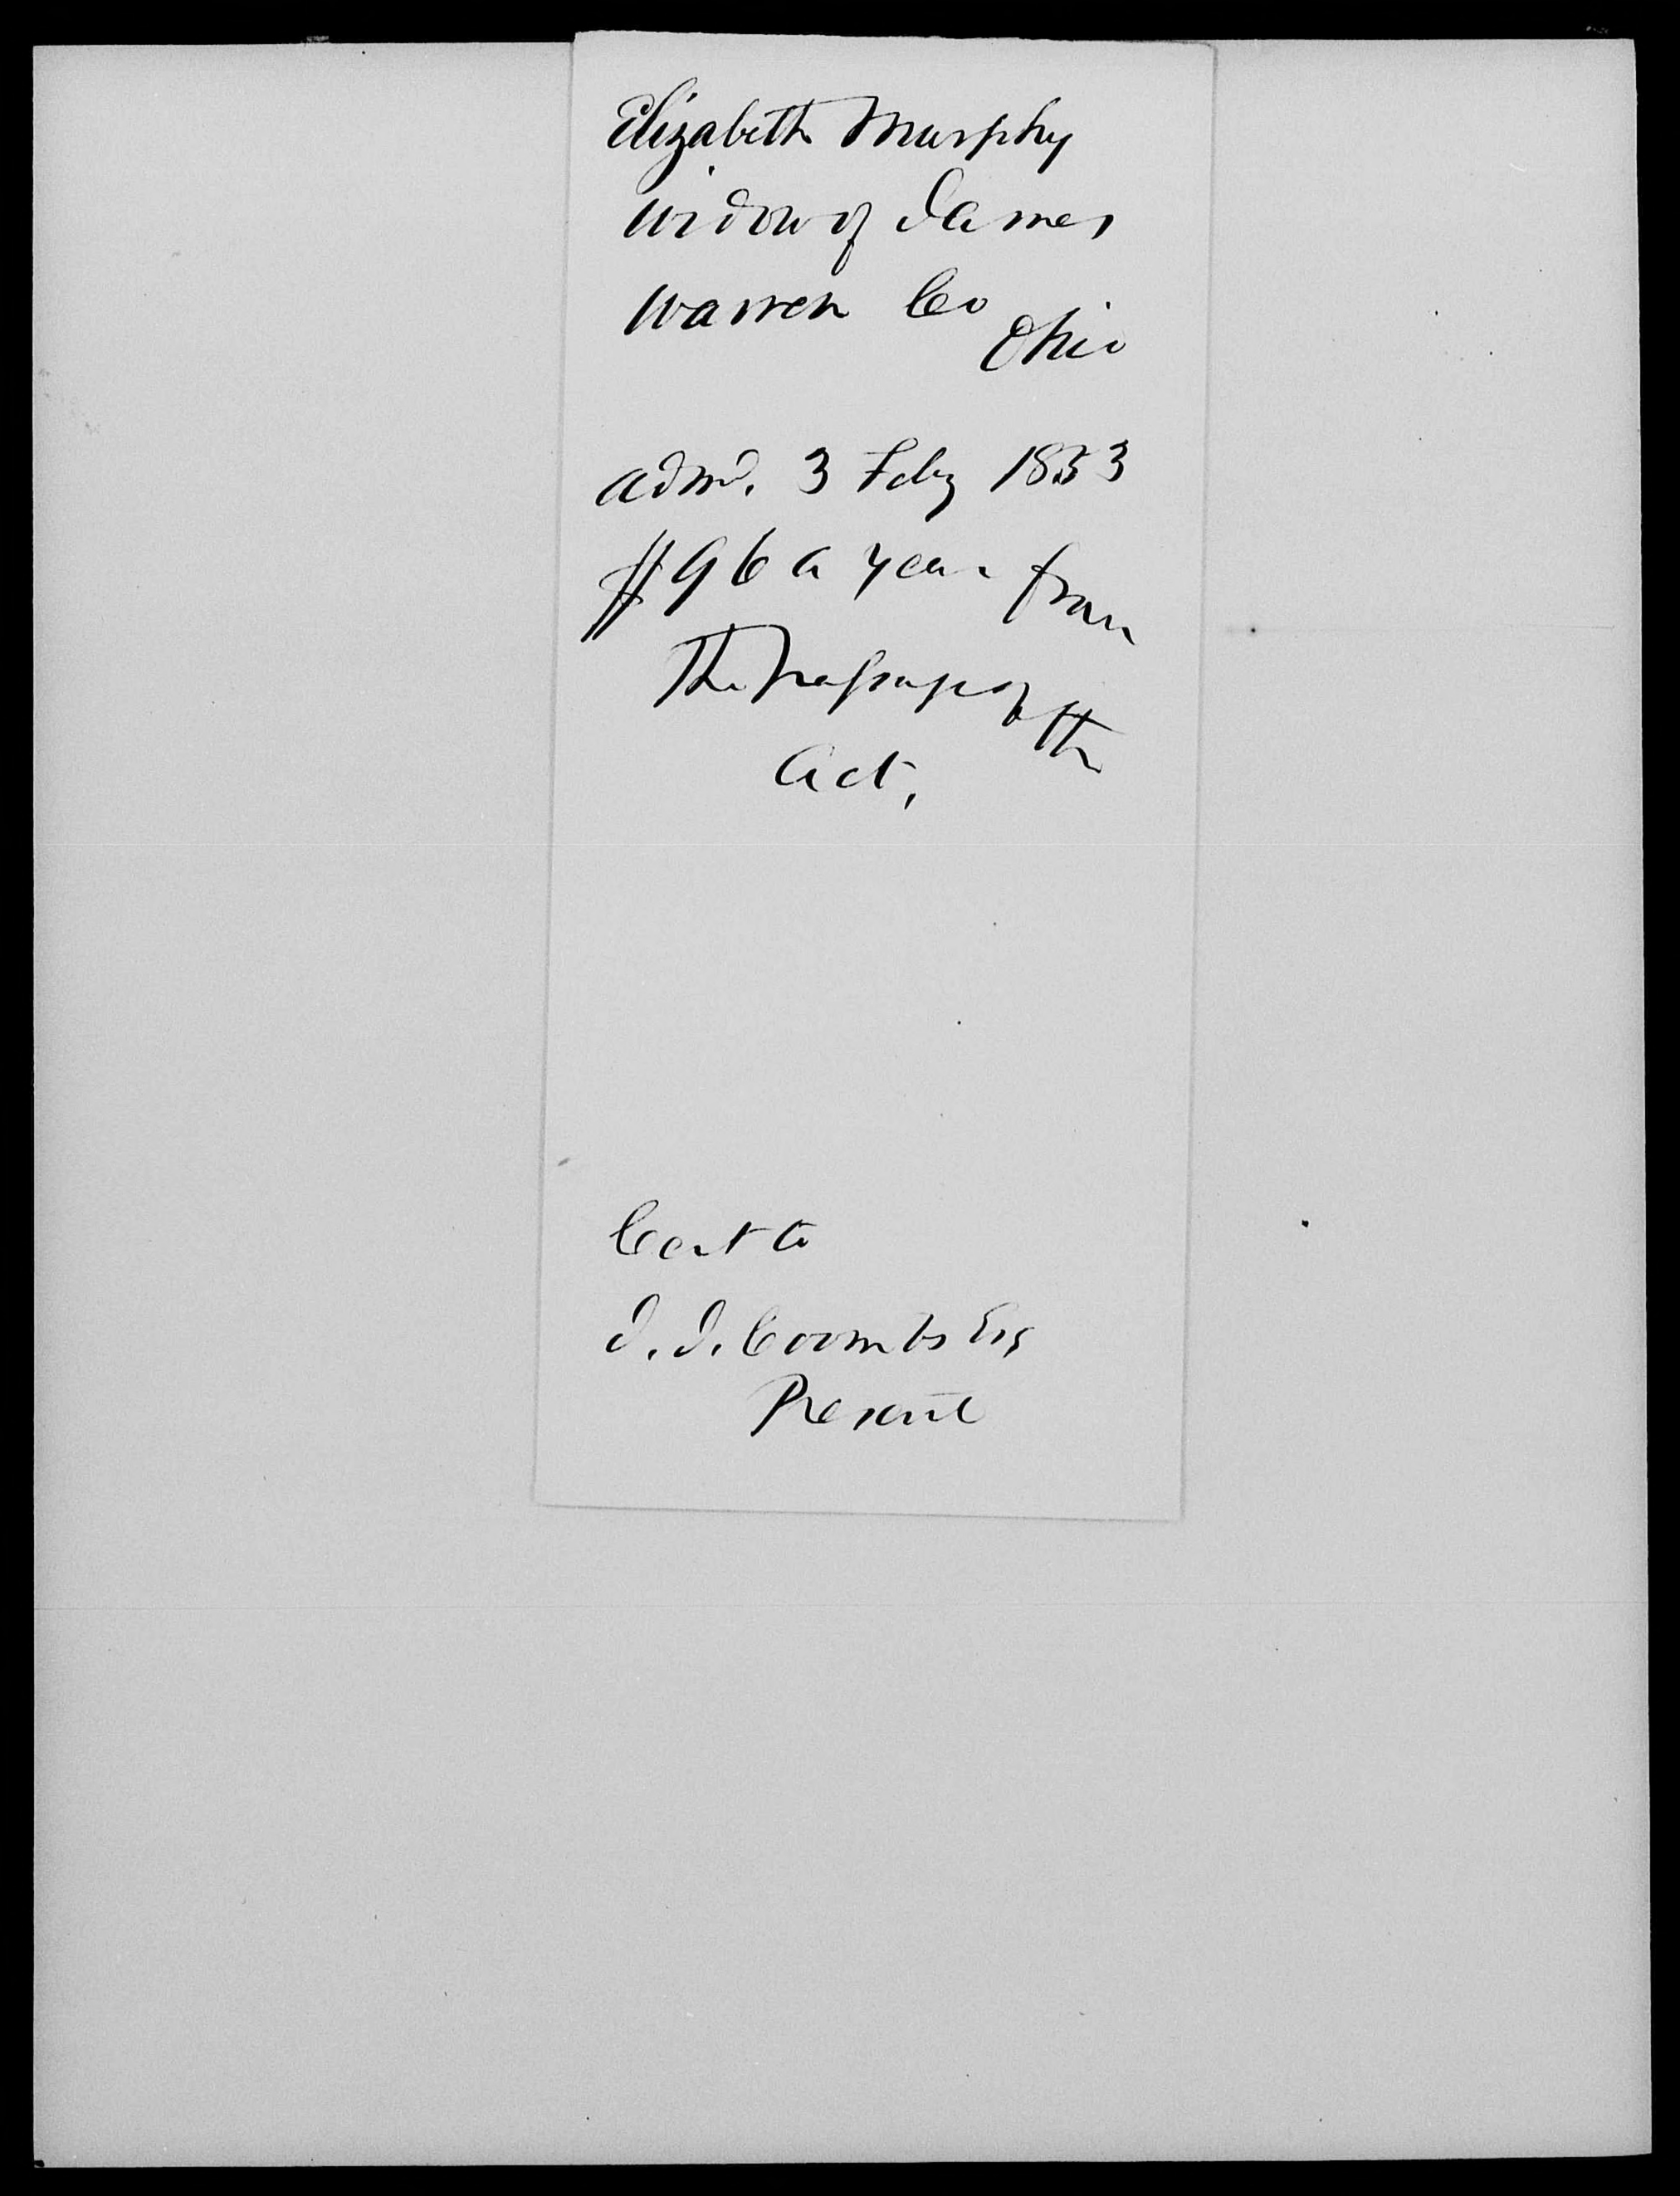Elizabeth Murphy
widow of James
Warren Co
Ohio

adm 3 Feb 1833
$96 a year from
the passage of the 
Act.


Cert to
J. J. Coombs Esq
Present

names: J J Coombs; James Murphy; Elizabeth Murphy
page: 53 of 57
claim: widow's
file: W. 25,739, for James Murphey, Pennsylvania